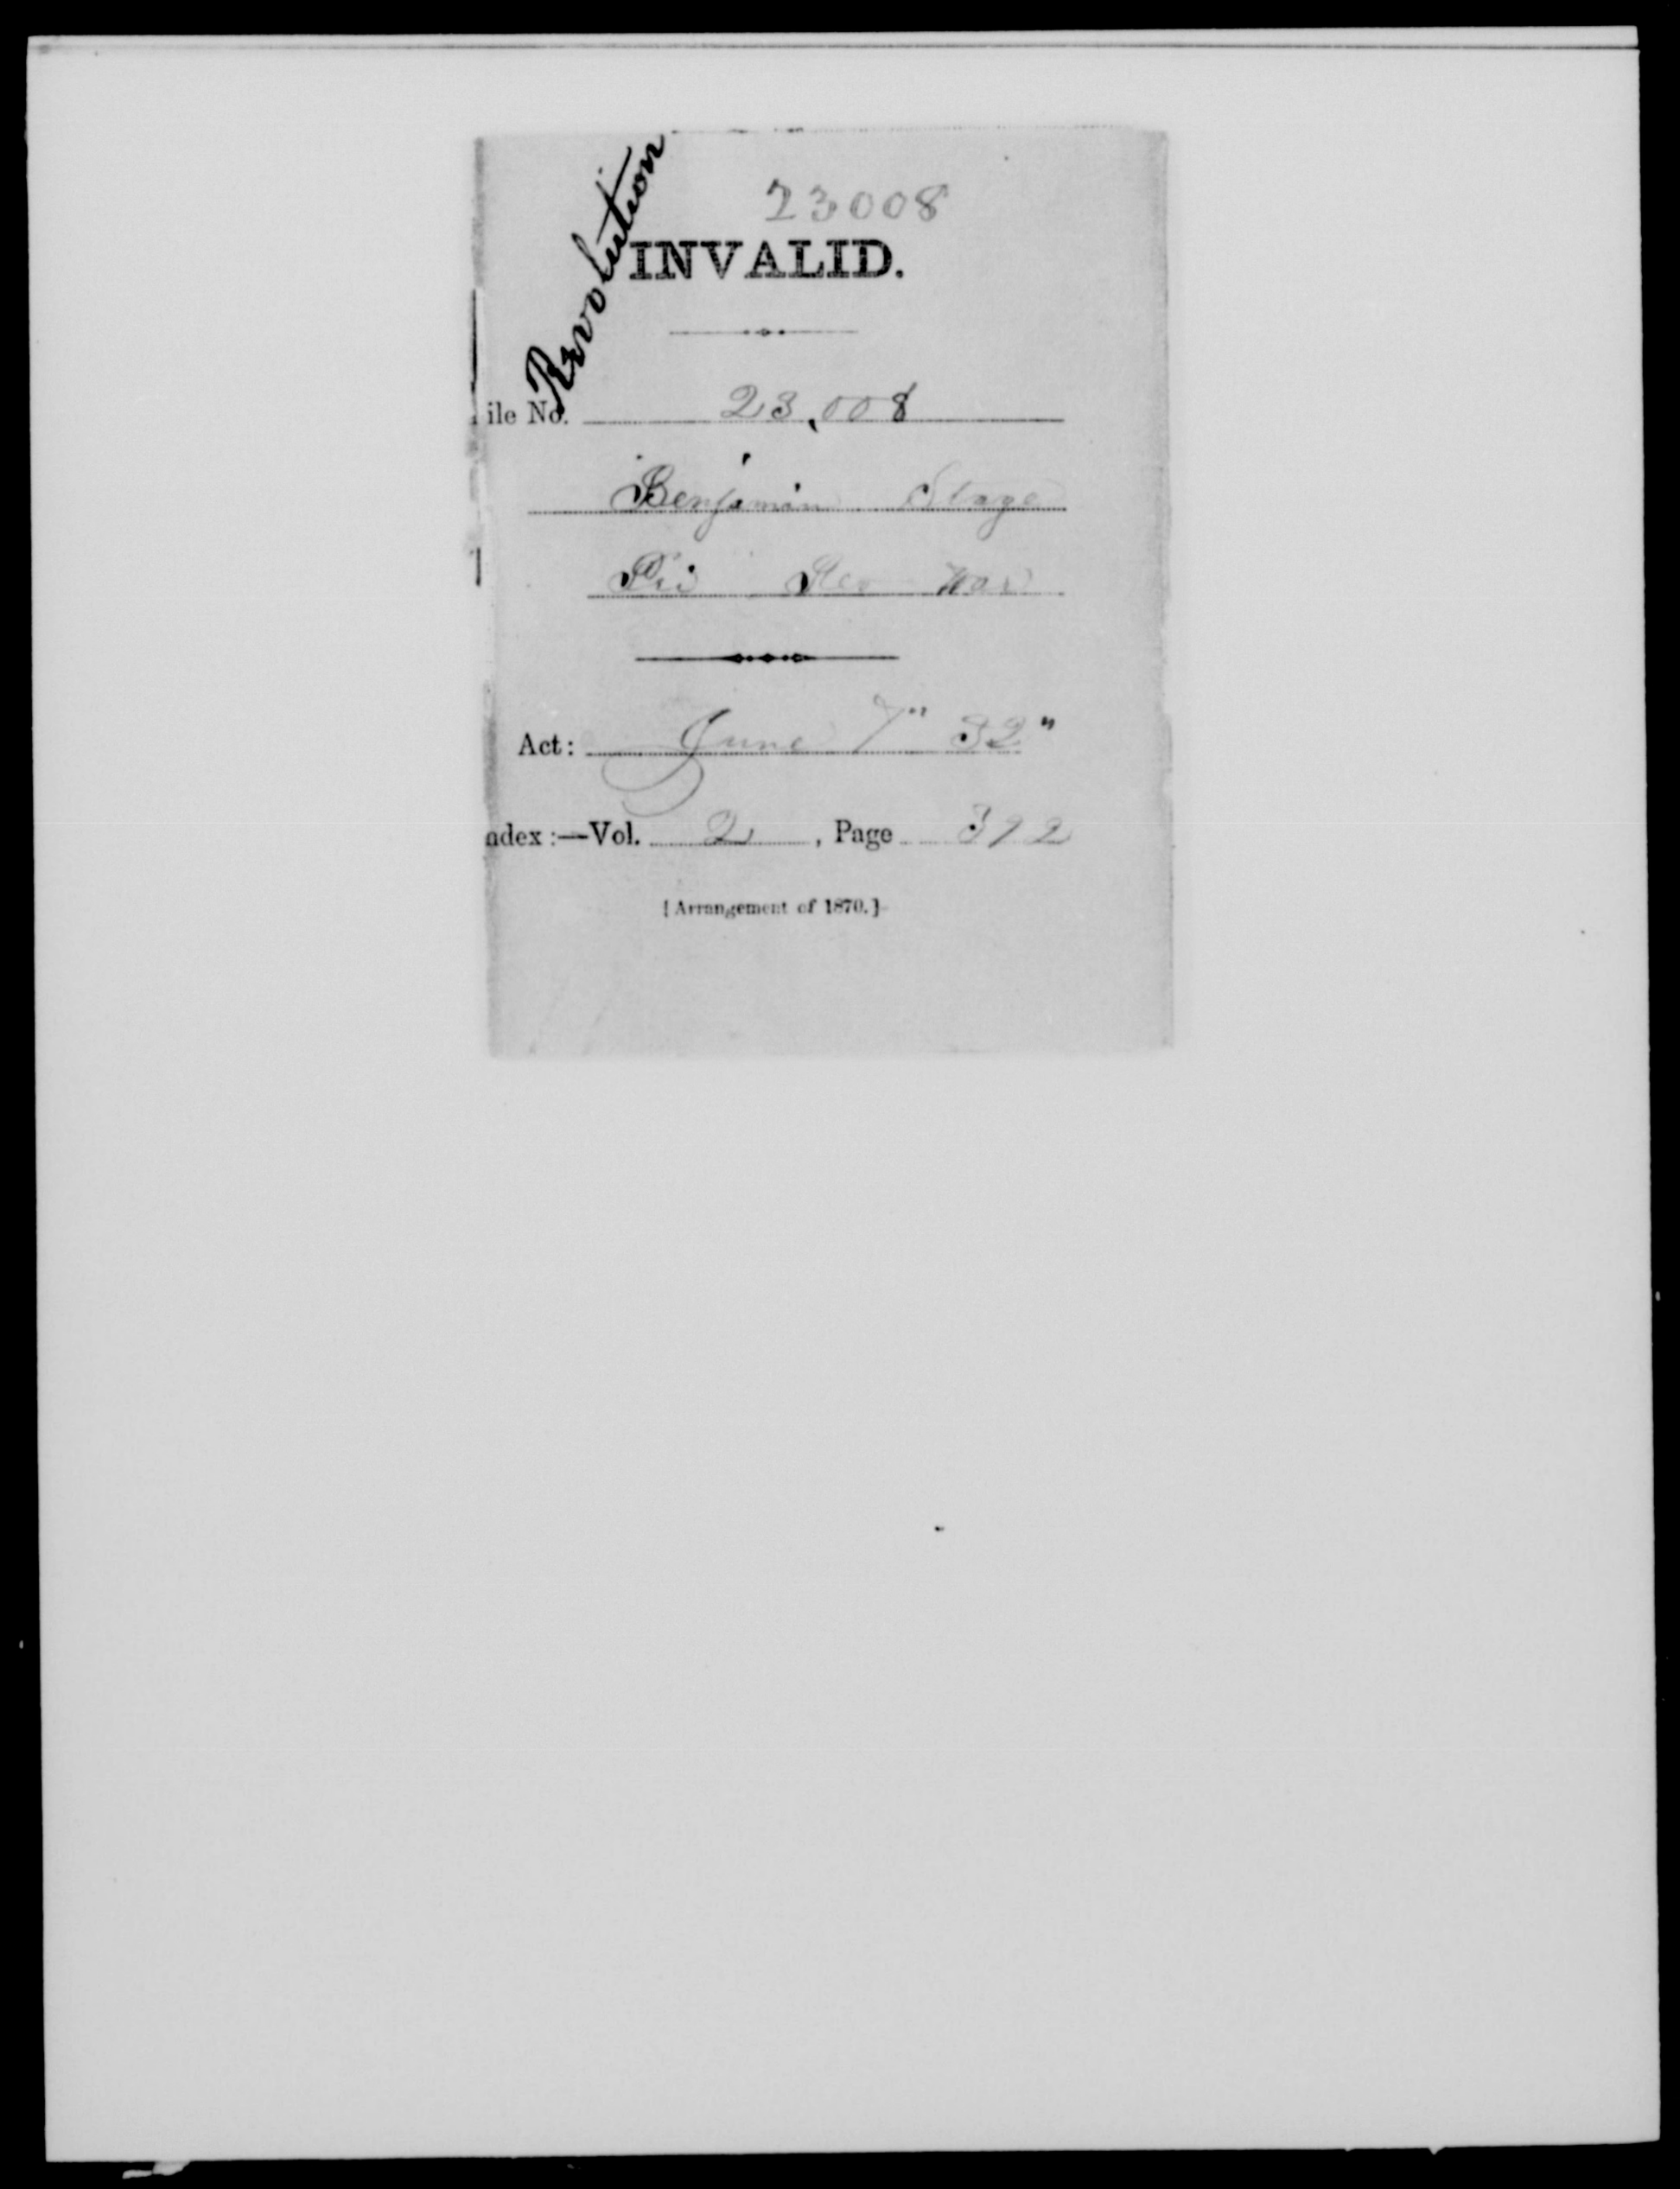23008
Revolution

iNVALID.

File No. 23.008

Benjamin Stage

Pri. Rev War

Act: June 7 '32

Index - Vol 2, Page 312

(Arrangement of 1870)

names: Benjamin Stage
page: 14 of 23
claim: survivor's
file: S. 23008, for Benjamin Stage, New York